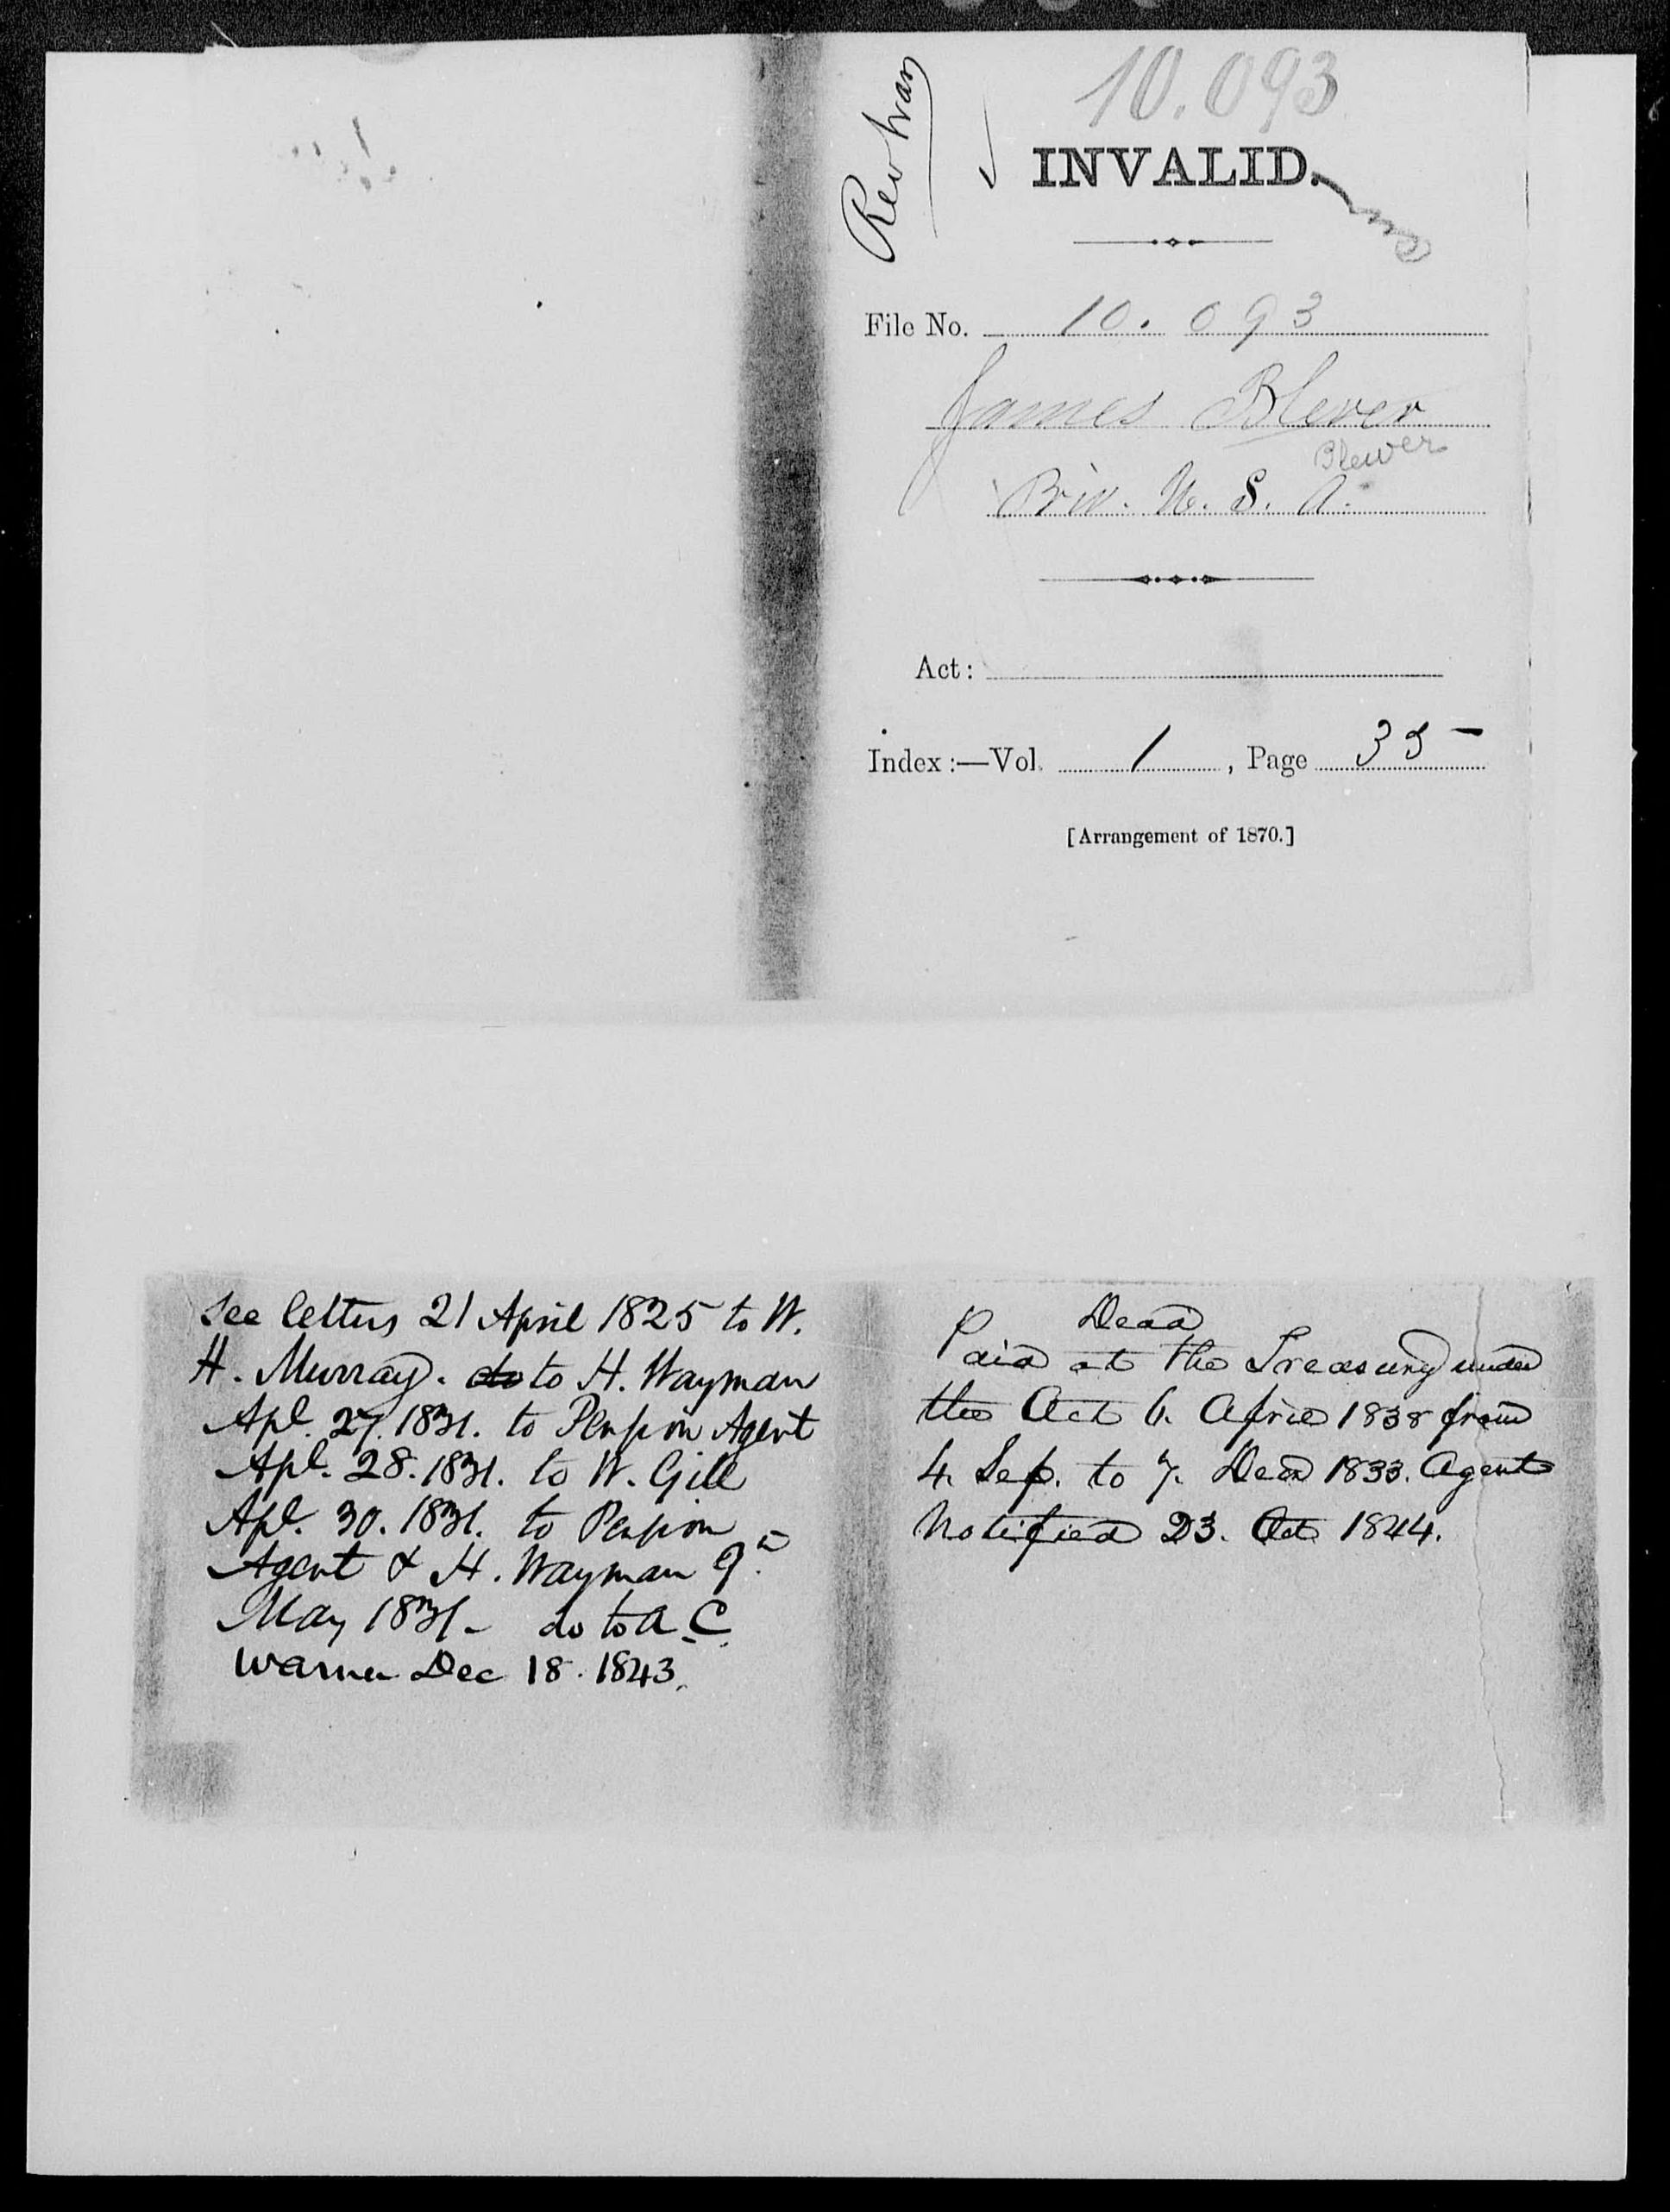10.093
Invalid
File No. 10.093
James Blewer [Blever lined out]
Rev U.S.A.

Index: Vol 1 Page 35

See letters 21 April 1825 to W. H. Murray to H. Wayman Apl 27 1821 to Pension Agent
Apl 28 1821 to W. Gill
Apl 30 1821 to Pension Agent & H. Wayman 9th May 1821 to A.C. Warner Dec 18 1843
Dead
Paid at the Treasure under the Act of April 1838 from 4 Sep to 7 Dec 1838 Agent notified 23 Oct 1844.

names: W Gill, W H Murray, A C Warner, James Blever, H Wayman, Blewer, H Wayman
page: 9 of 30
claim: survivor's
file: S. 10093, James Blewer, Md.